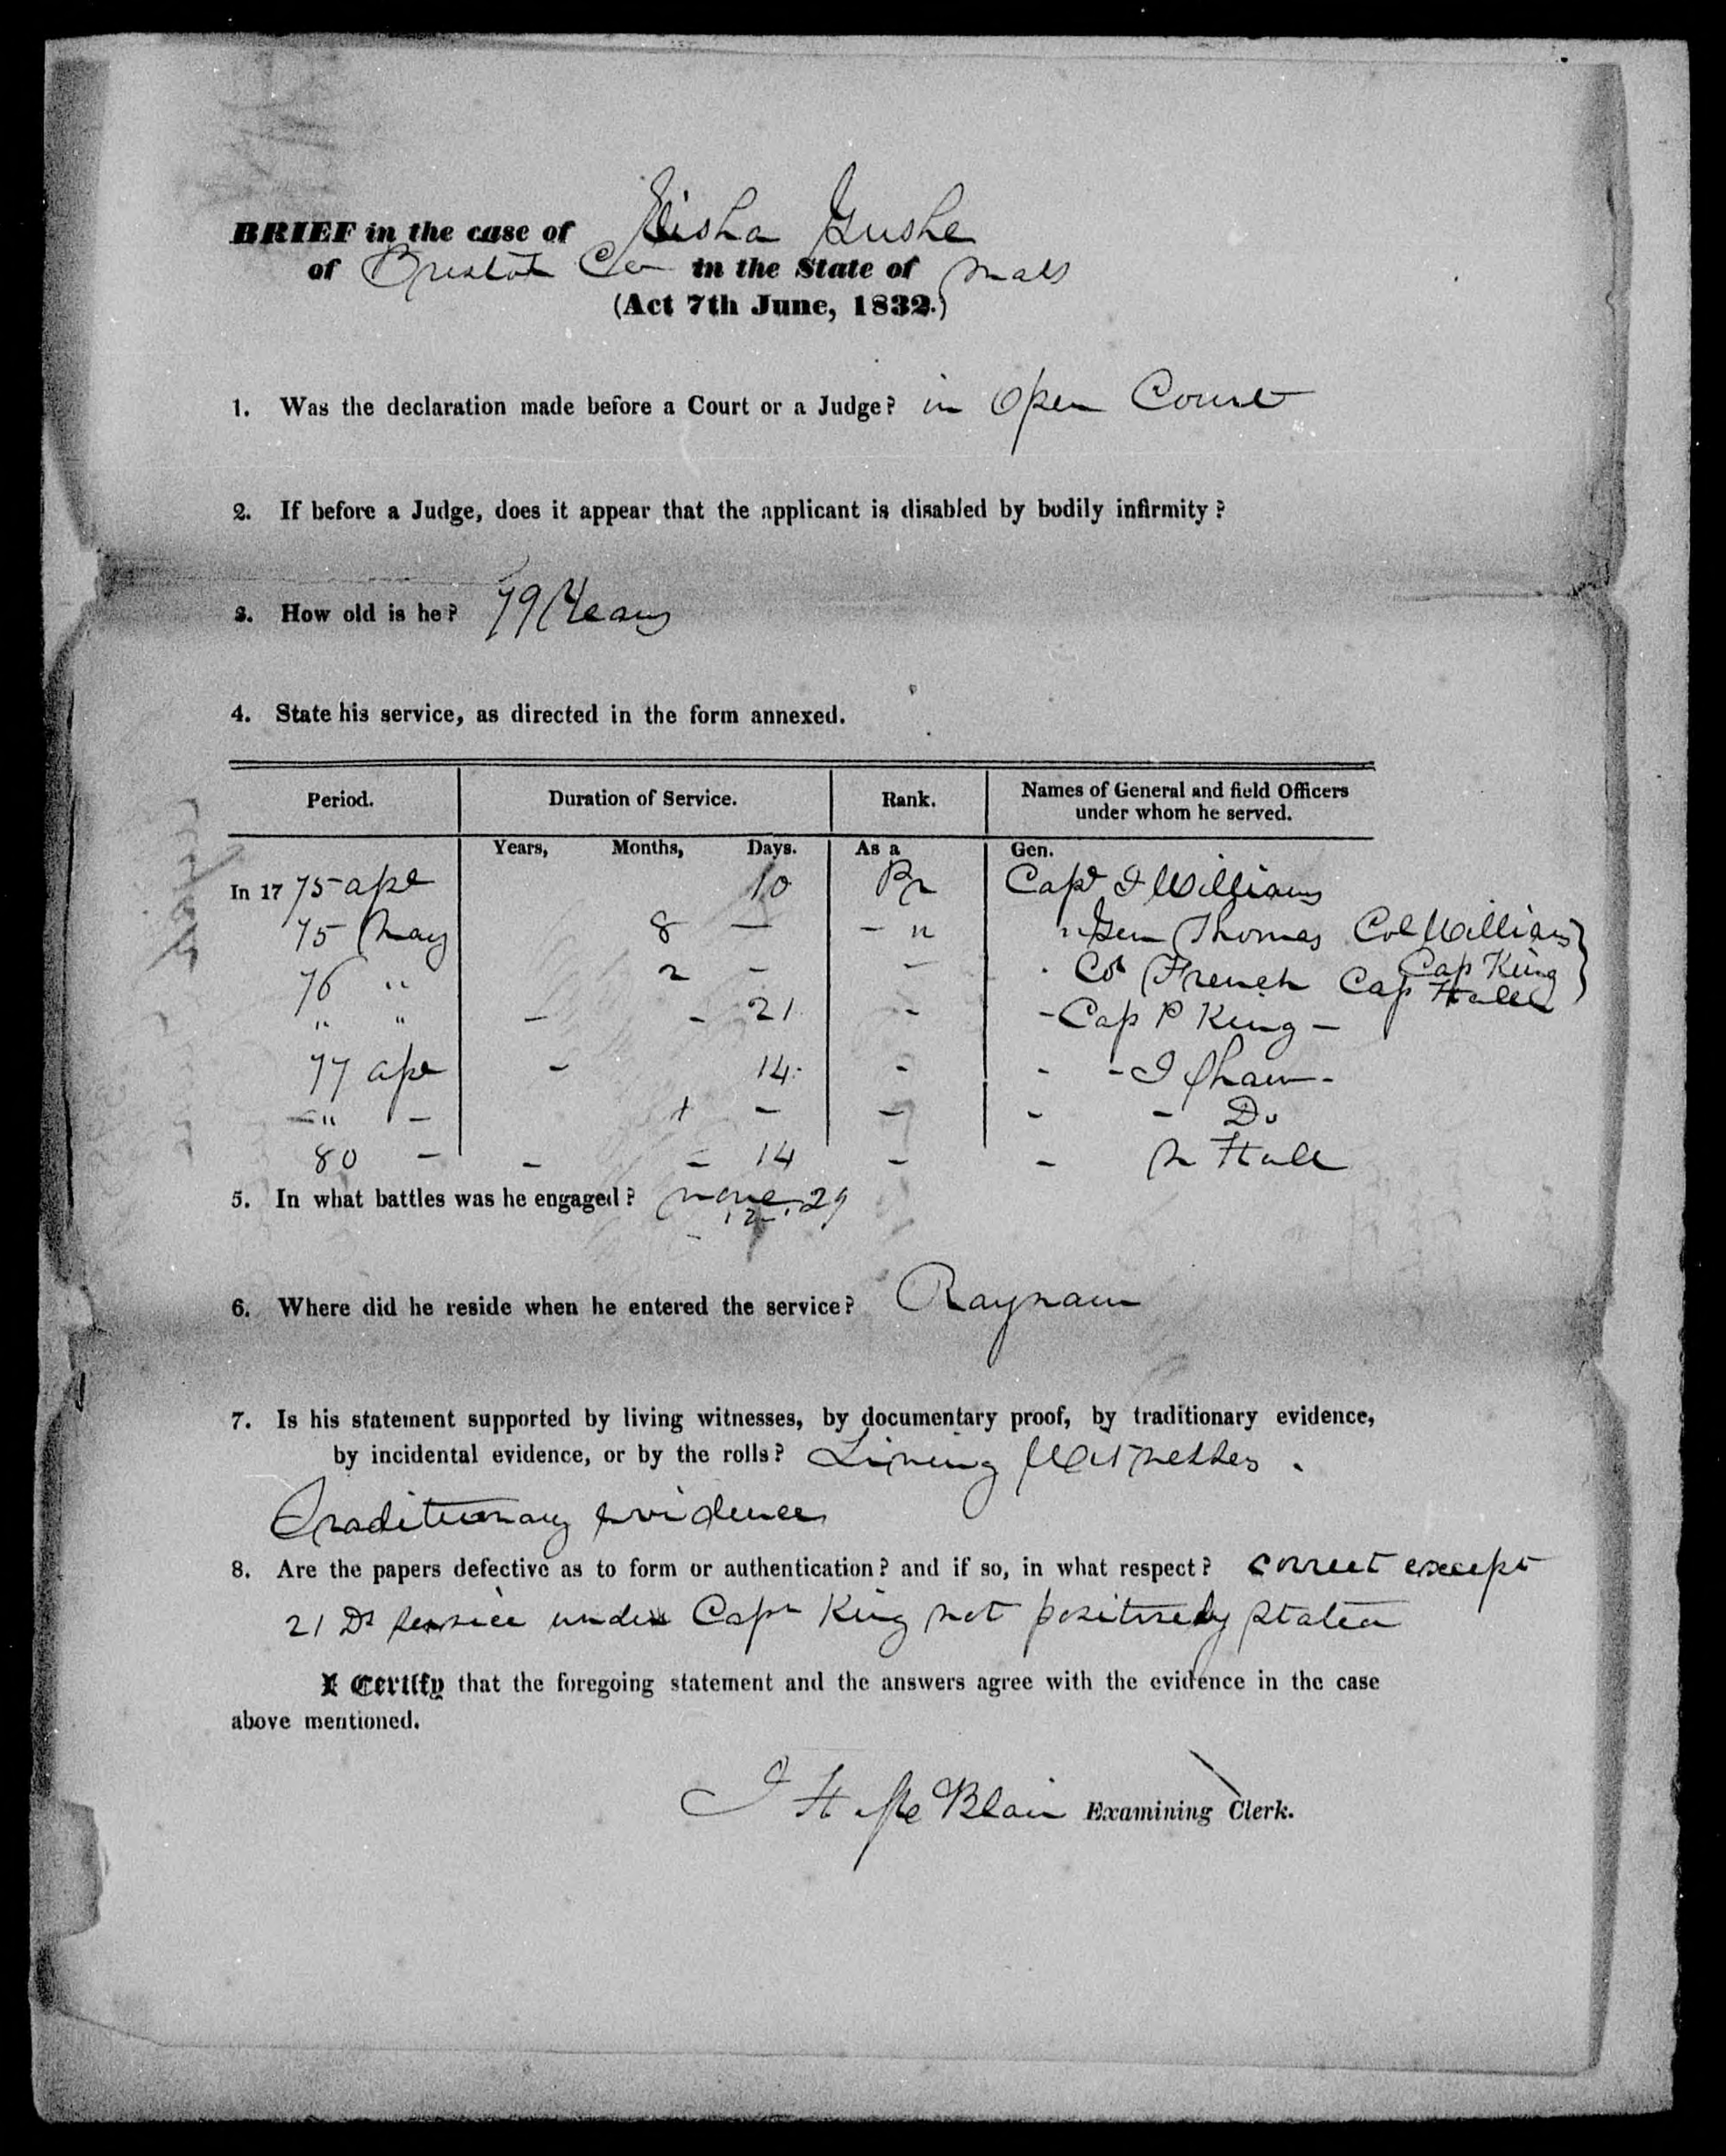BRIEF in the case of
Elisha Gushe of Bristol Co  in the State of Mass
(Act 7th June, 1832.)

1.  Was the declaration made before a Court or a Judge? In Open Court

2. If before a Judge, does it appear that the applicant is disabled by bodily infirmity?

3. How old is he? 79 years

4. State his service, as directed in the form annexed.
Period.
In 1775 asse
75 May
75 May
77 May

Duration of Service.
Years. 

Months, Days
0, 1/0
8, 0
2. 0
- 21
14.
14

Rank.
As a
Priv

Names of General and field Officers
under whom he served.
Gen. 
Capt I Williams
Gen Thomas  Col. Williams  Capt King
Col French  Capt Hall
Capt P. KIng
I Shaw
N. Hale

5. In what battles was he engaged? none

6. Where did he reside when he entered the service? Raynam

7. Is his statement supported by living witnesses, by documentary proof, by traditionary evidence, by incidental evidence, or by the rolls? Living witnesses
Traditionary evidence

8. Are the papers defective as to form or authentication? and if so, in what respect? Correct except 21 (?) service under Capt King not positively stated

Certify that the foregoing statement and the answers agree with the evidence in the case
above mentioned.
Signature of J H Mc Blair  Examining Clerk.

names: J Shaw, Thomas, Hall, P King, J H Mc Blair, King, N Hall, J Williams, French, King, Williams, Elisha Gushe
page: 19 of 36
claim: widow's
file: W. 8838, Elijah Gushee, Mass.